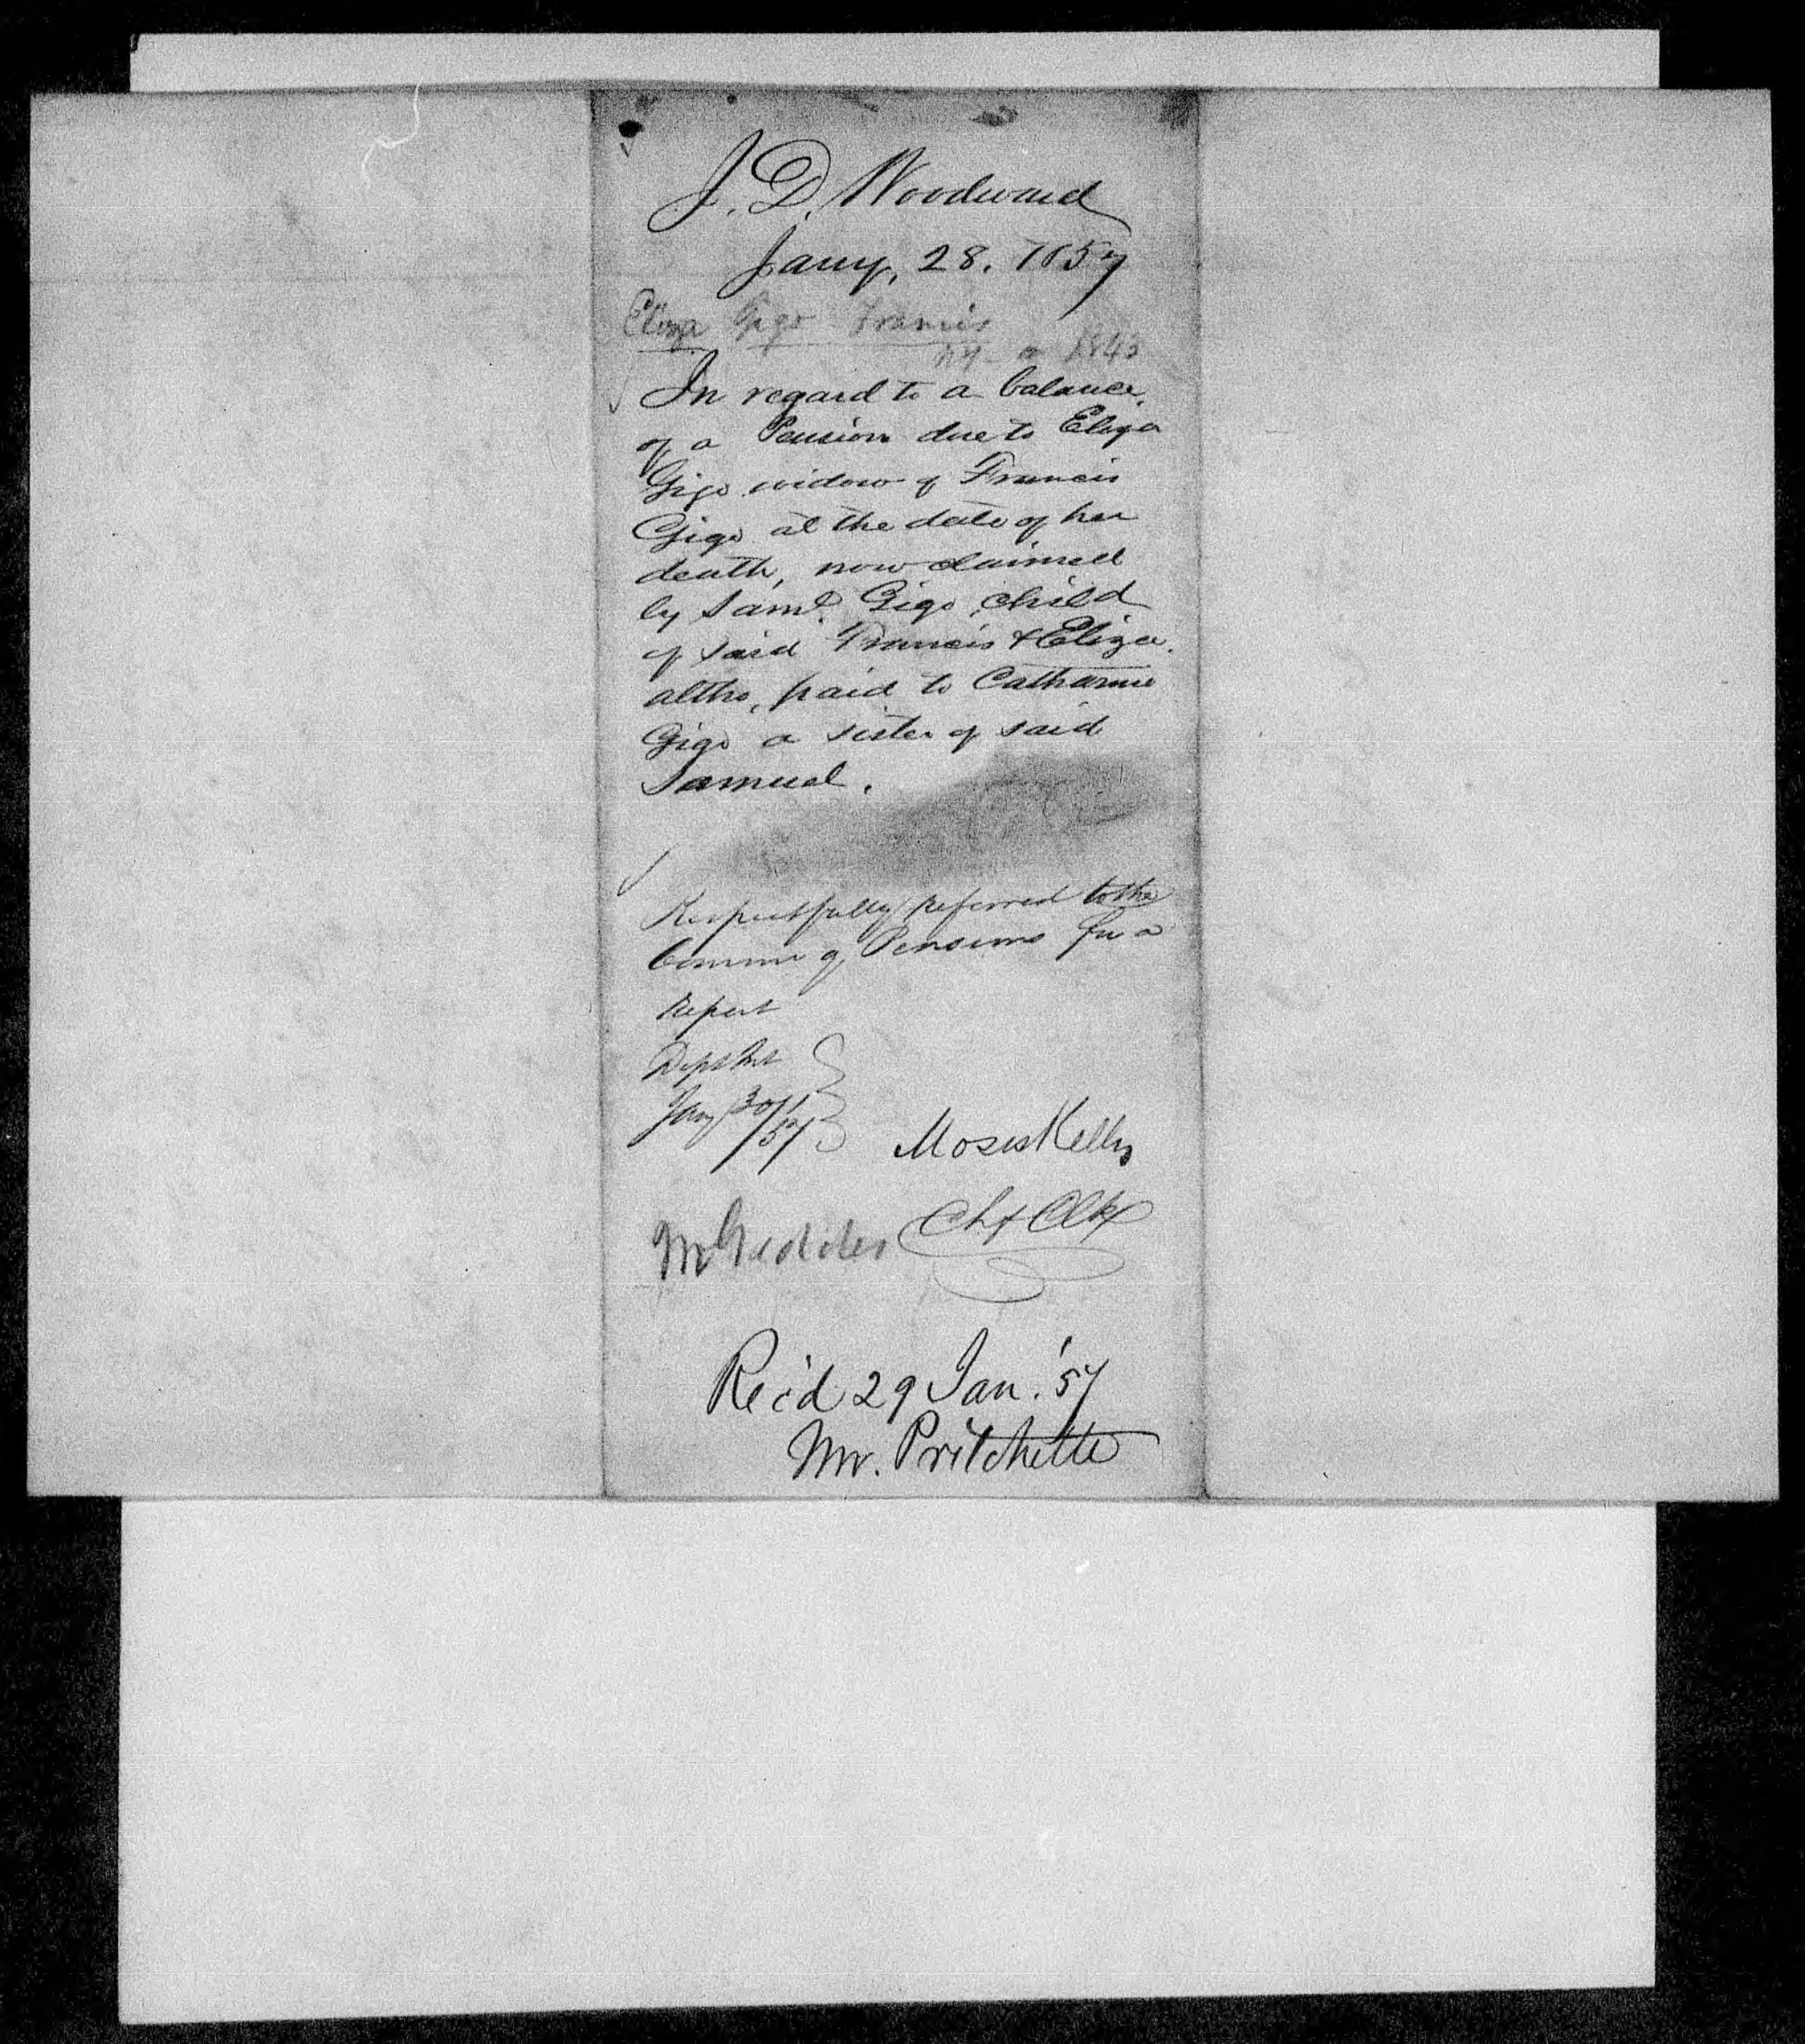J. D. Woodward
Jany, 28, 1854
Eliza Gigo Francis
N.Y in 1843
In regard to a balance of a pension due to Eliza Gigo, widow of Francis Gigo at the date of her death, now claimed by Saml. Gigo, child of said Francis & Eliza, altho, paid to Catharine Gigo, a sister of said Samuel.
Respectfully referred to the Comm of Pensions for a report'/deos [illegible]
Jany 30/'57
Moses Kelly
McFedden  Chf Clk
Rec'd 29 Jan '57
Mr. Pritchette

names: Eliza Gigo, J D Woodward, Catharine Gigo, Francis, Eliza, Samuel, Moses Kelly, Geddes, Pritchette, Francis Gigo, Saml Gigo, Francis, Eliza Gigo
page: 66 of 98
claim: widow's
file: W. 21182, Francis Gigo, Continental (Canadian)